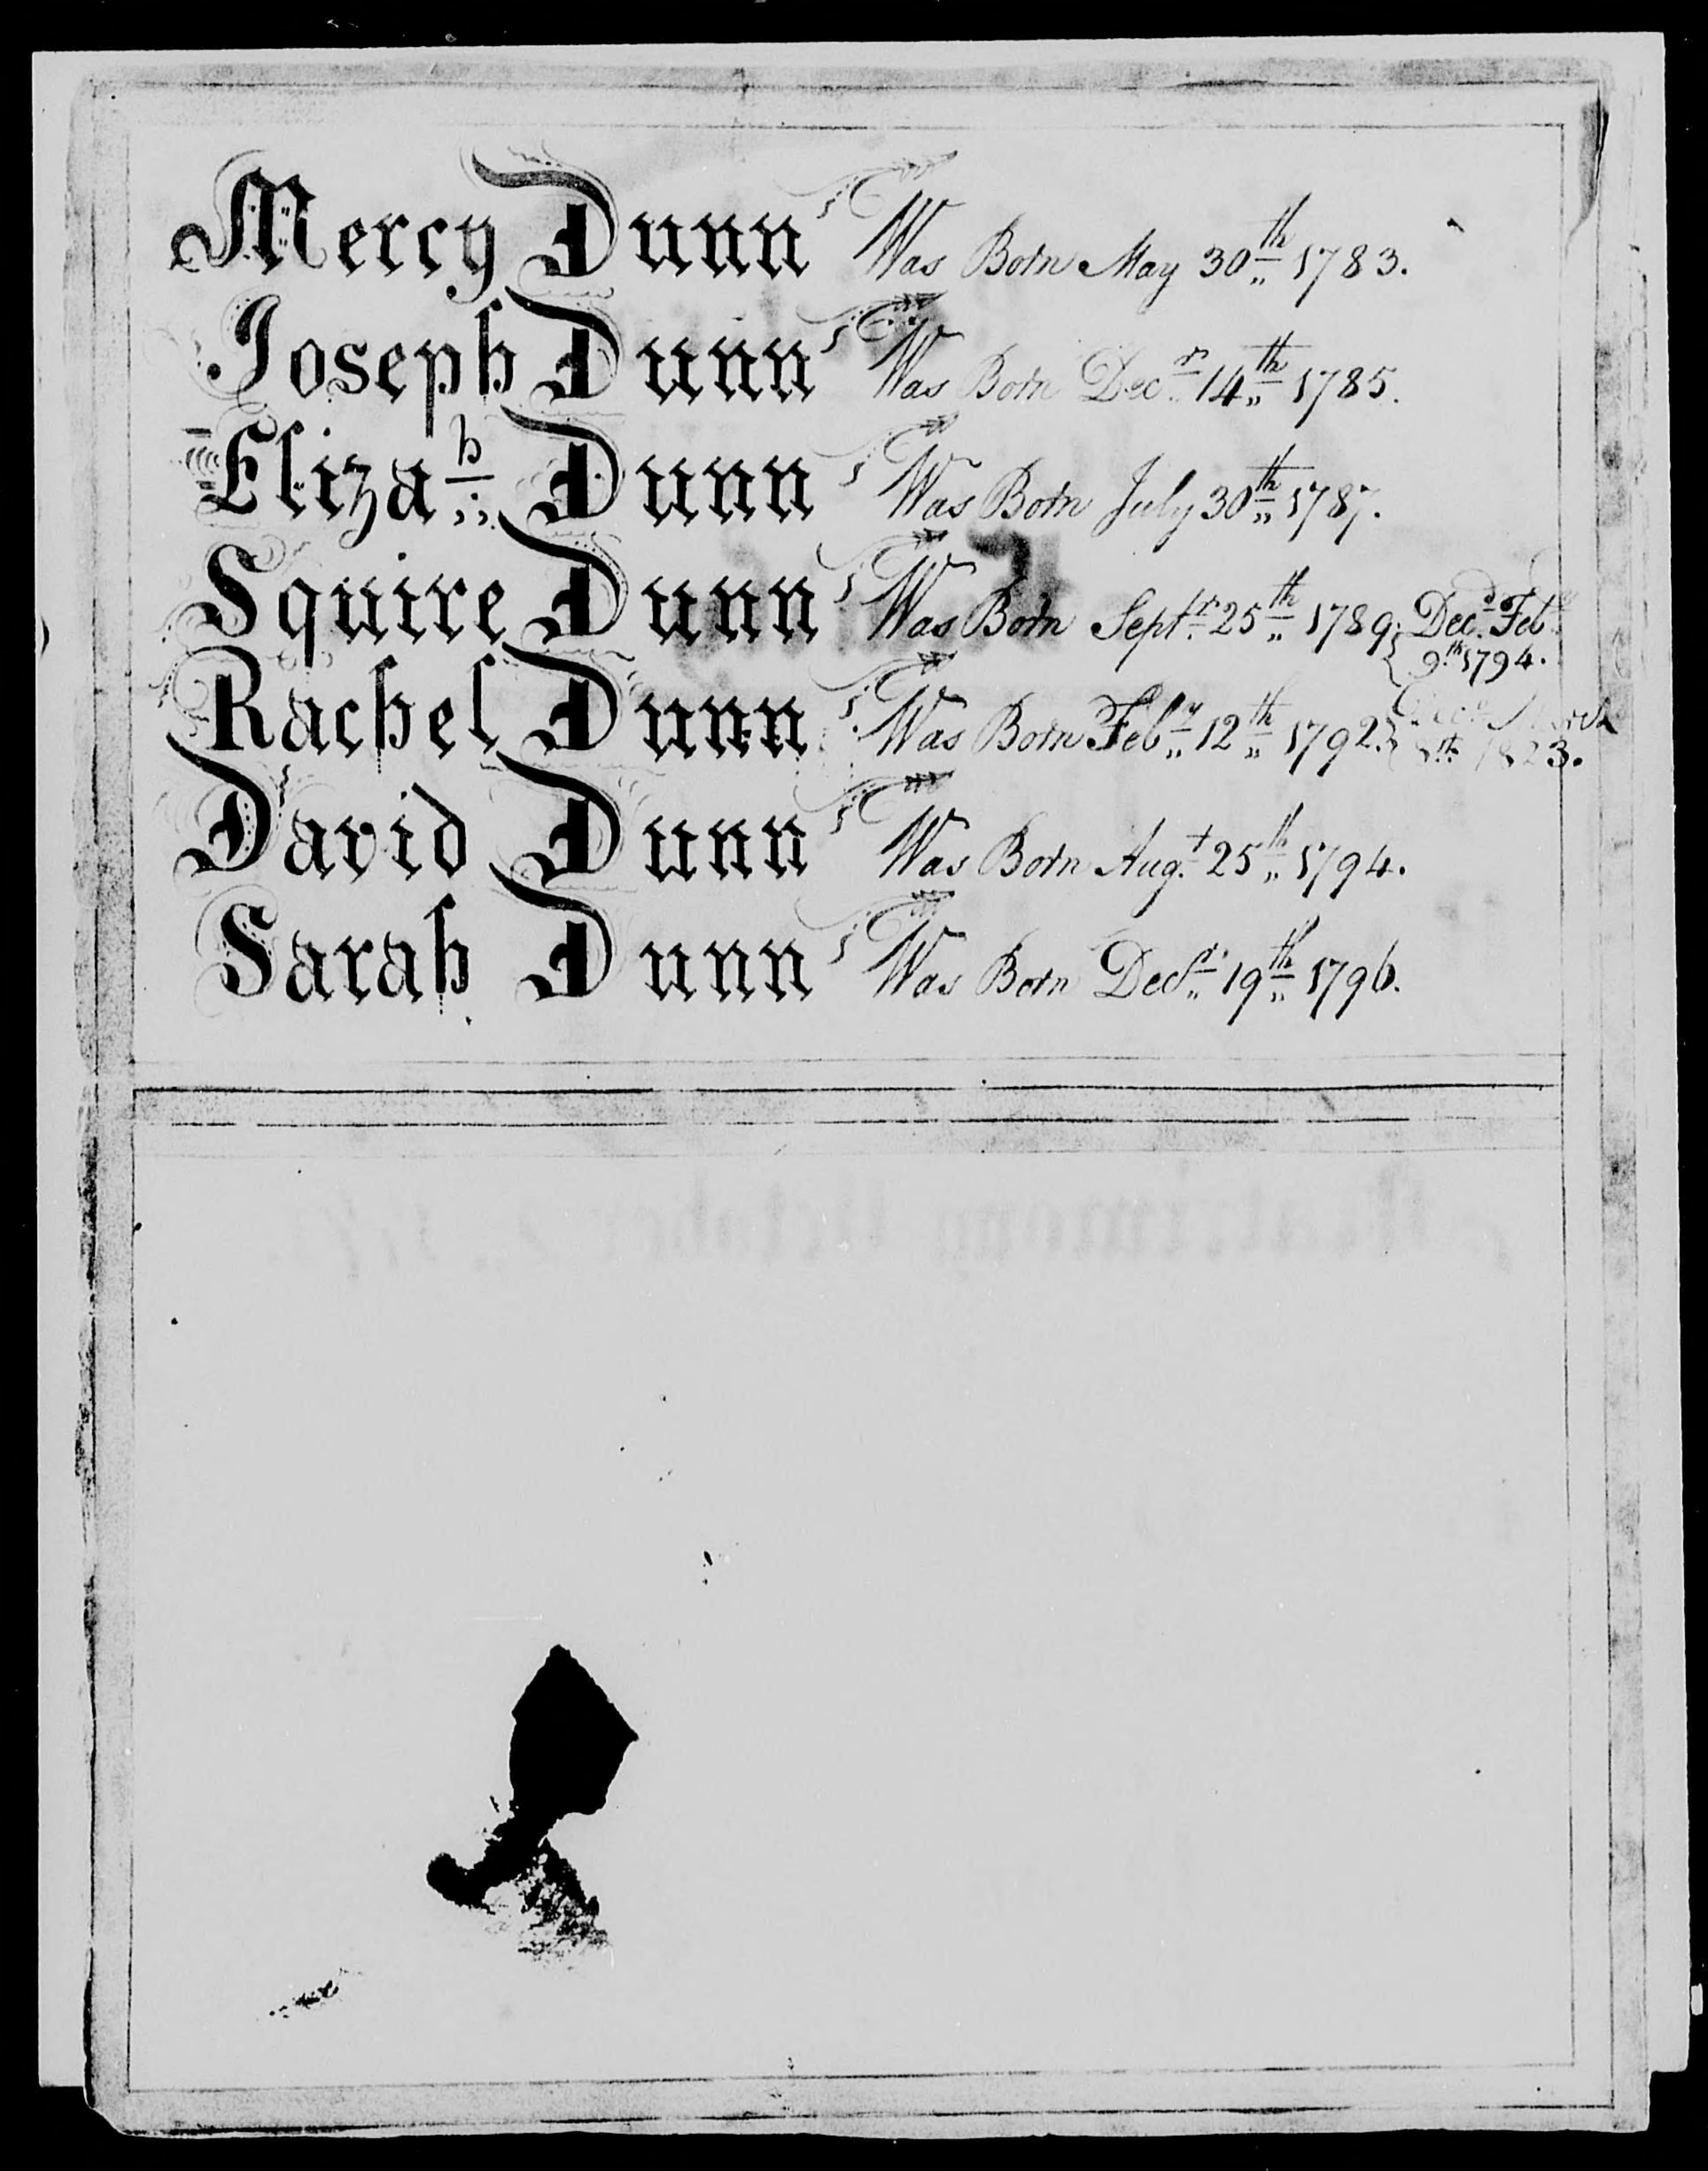Merry Dunn Was Born May 30th 1783..
Joseph Dunn Was Born Dec'r 14th 1785
Eliza'h Dunn Was Born July 30th 1787.
Squire Dunn Was Born Sept'r 25th 1789. Dec'd Feb'y 9th 1794.
Rachel Dunn Was Born Feb'y 12th 1792. Dec'd March 8th 1823.
David Dunn Was Born Aug't 25th 1794.
Sarah Dunn Was Born Dec'r 19th 1796.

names: David Dunn, Sarah Dunn, Joseph Dunn, Elizah Dunn, Mercy Dunn, Squire Dunn, Rachel Dunn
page: 6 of 52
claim: widow's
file: W. 919, Joel Dunn, New Jersey